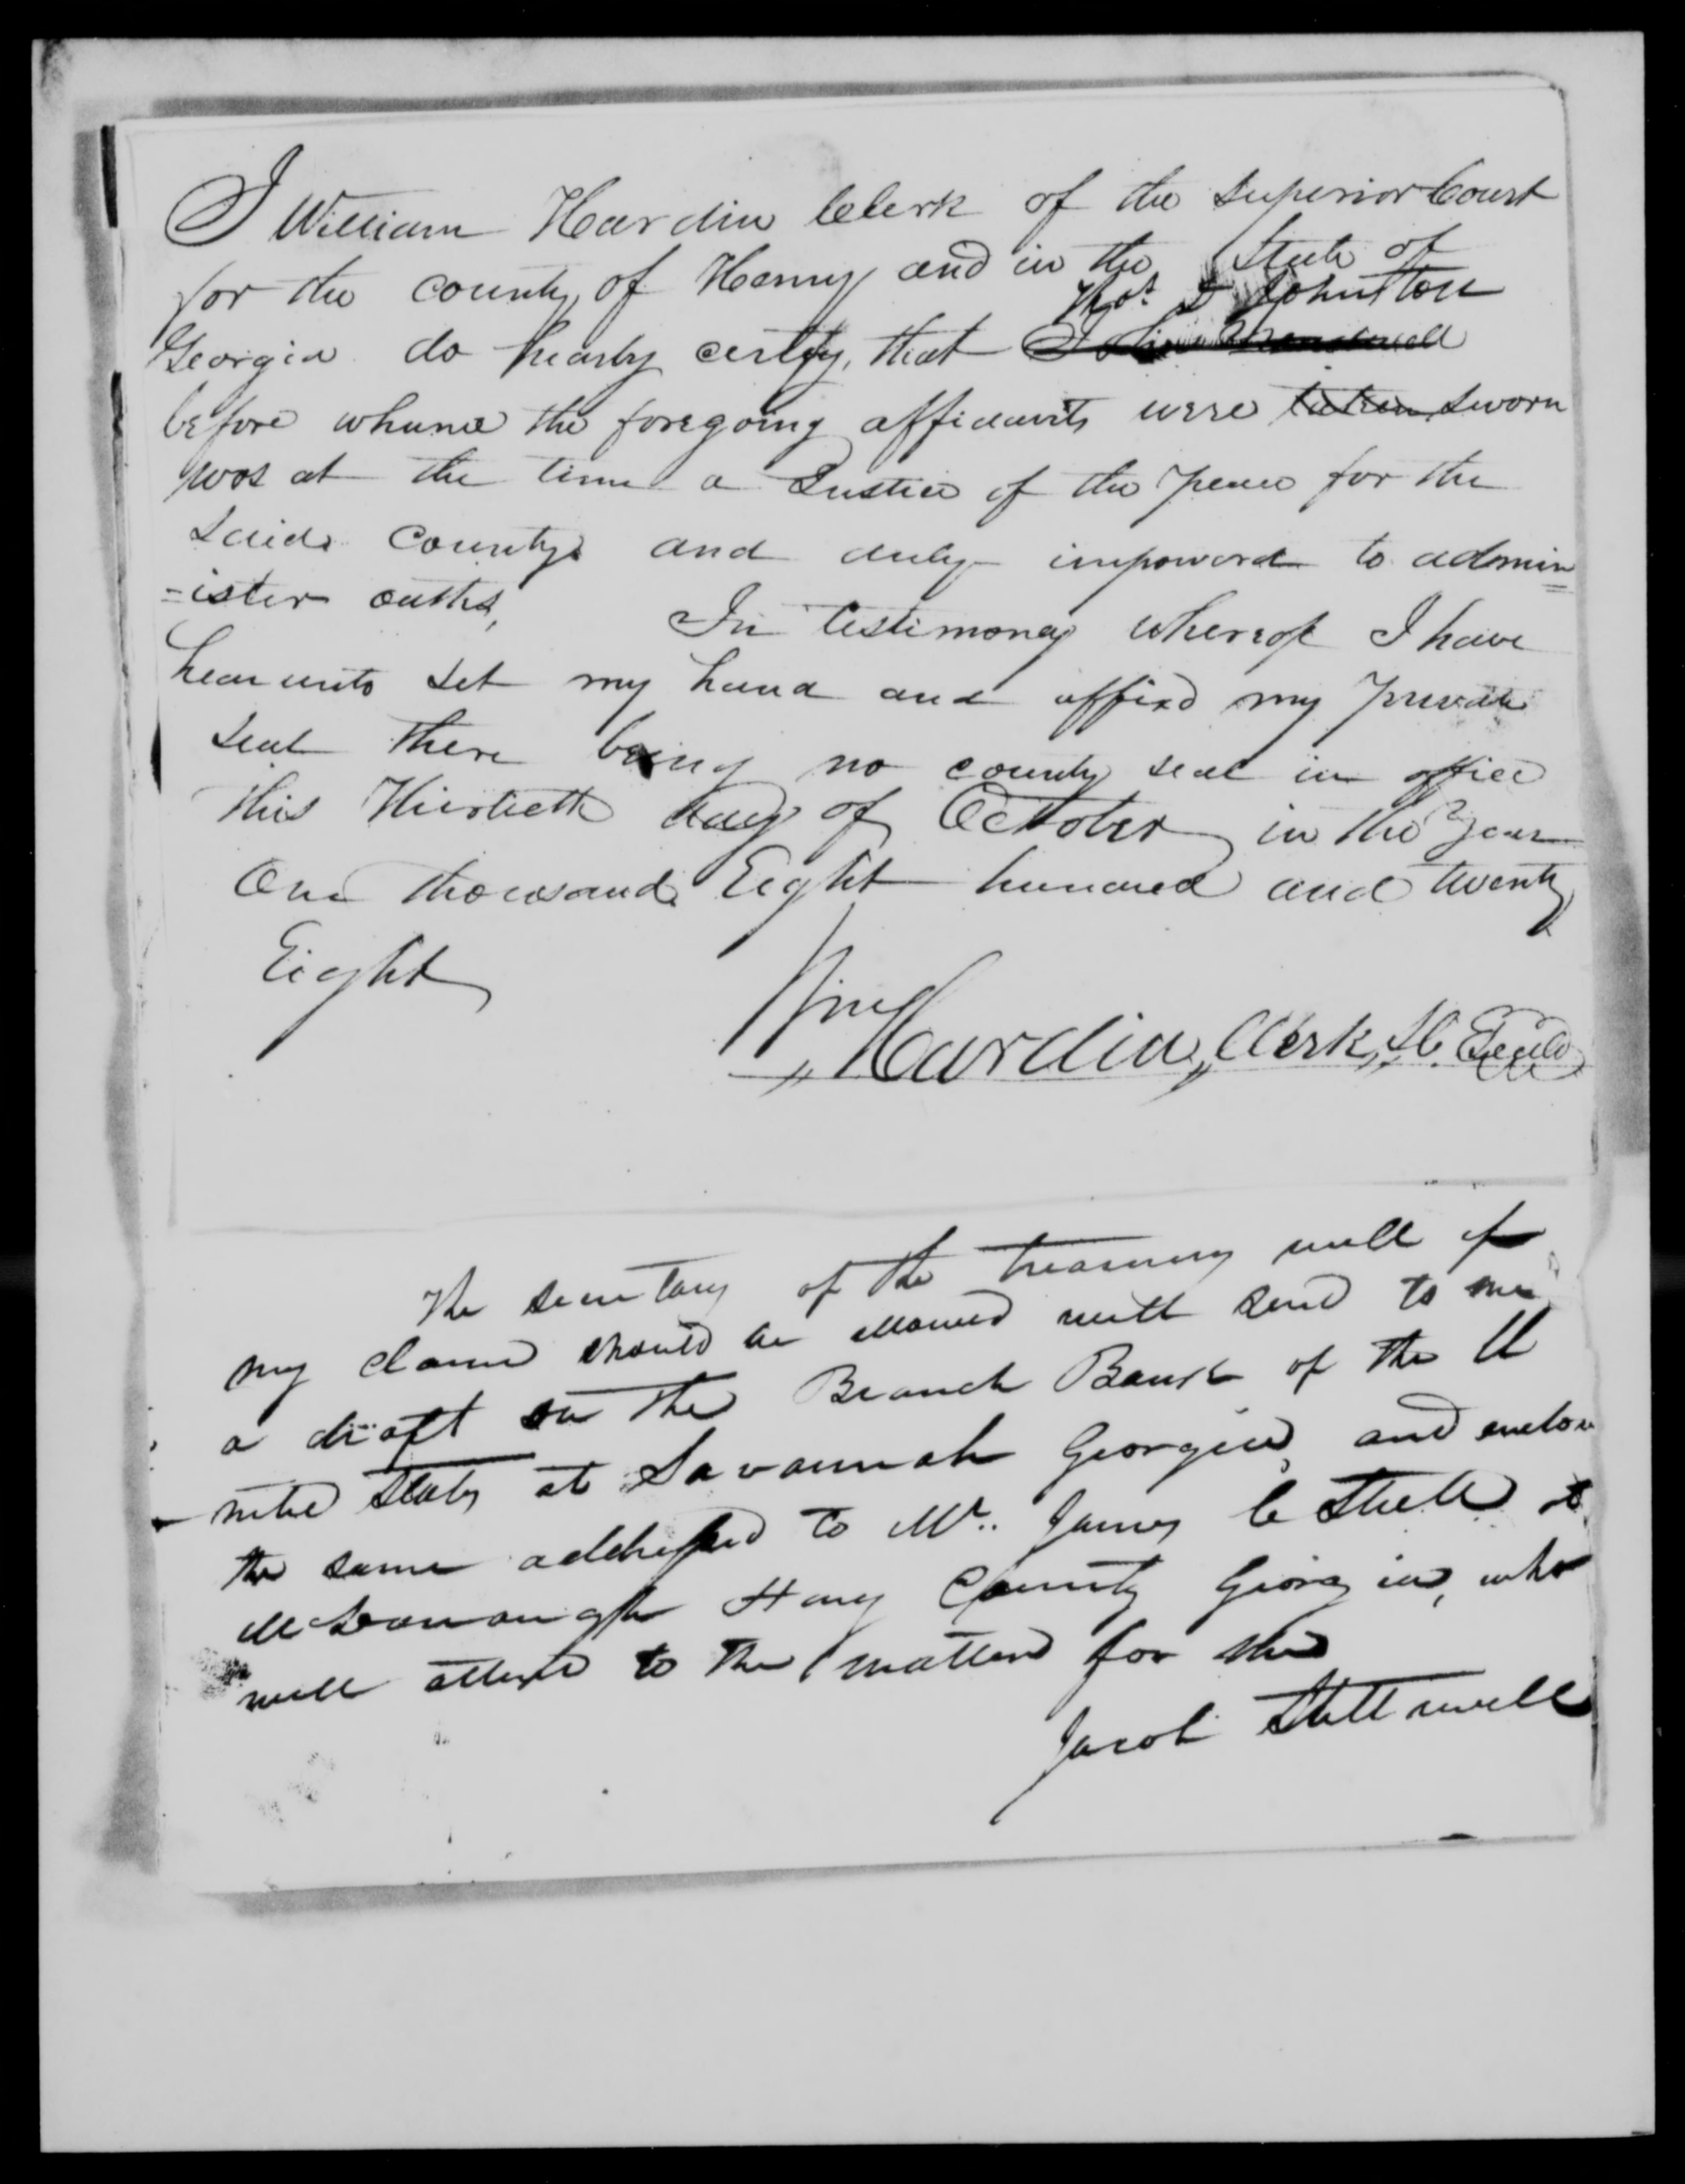I William Hardin Clerk of the Superior Court
for the County of Henry and in the state of
Georgia do hereby certify that Thos. D. Johnston
before whom the foregoing affidavits were sworn
was at the time a Justice of the peace for the
said County and duly impowered to administer oaths
In testimony whereof I have
hereunto set my hand and affixed my private
seal there being no county seal in office
this Thirtieth day of October in the year
one thousand Eight hundred and twenty
Wm. Hardin, Clerk. (seal)

the secretary of the treasury will if
my claim should be allowed with send to me
a draft on the Branch Bank of the
United States at Savannah Georgia and enclose
the same addressed to Mr. James C Stiell & Mr.
Donough Henry County Georgia, who
will attend to the matter for said
Jacob Stillwell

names: Wm Hardin; William Hardin; James C Stiell; Jacob Stillwell; Thos D Johnston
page: 12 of 25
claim: survivor's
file: S. 31,993, for Jacob Stillwell, North Carolina